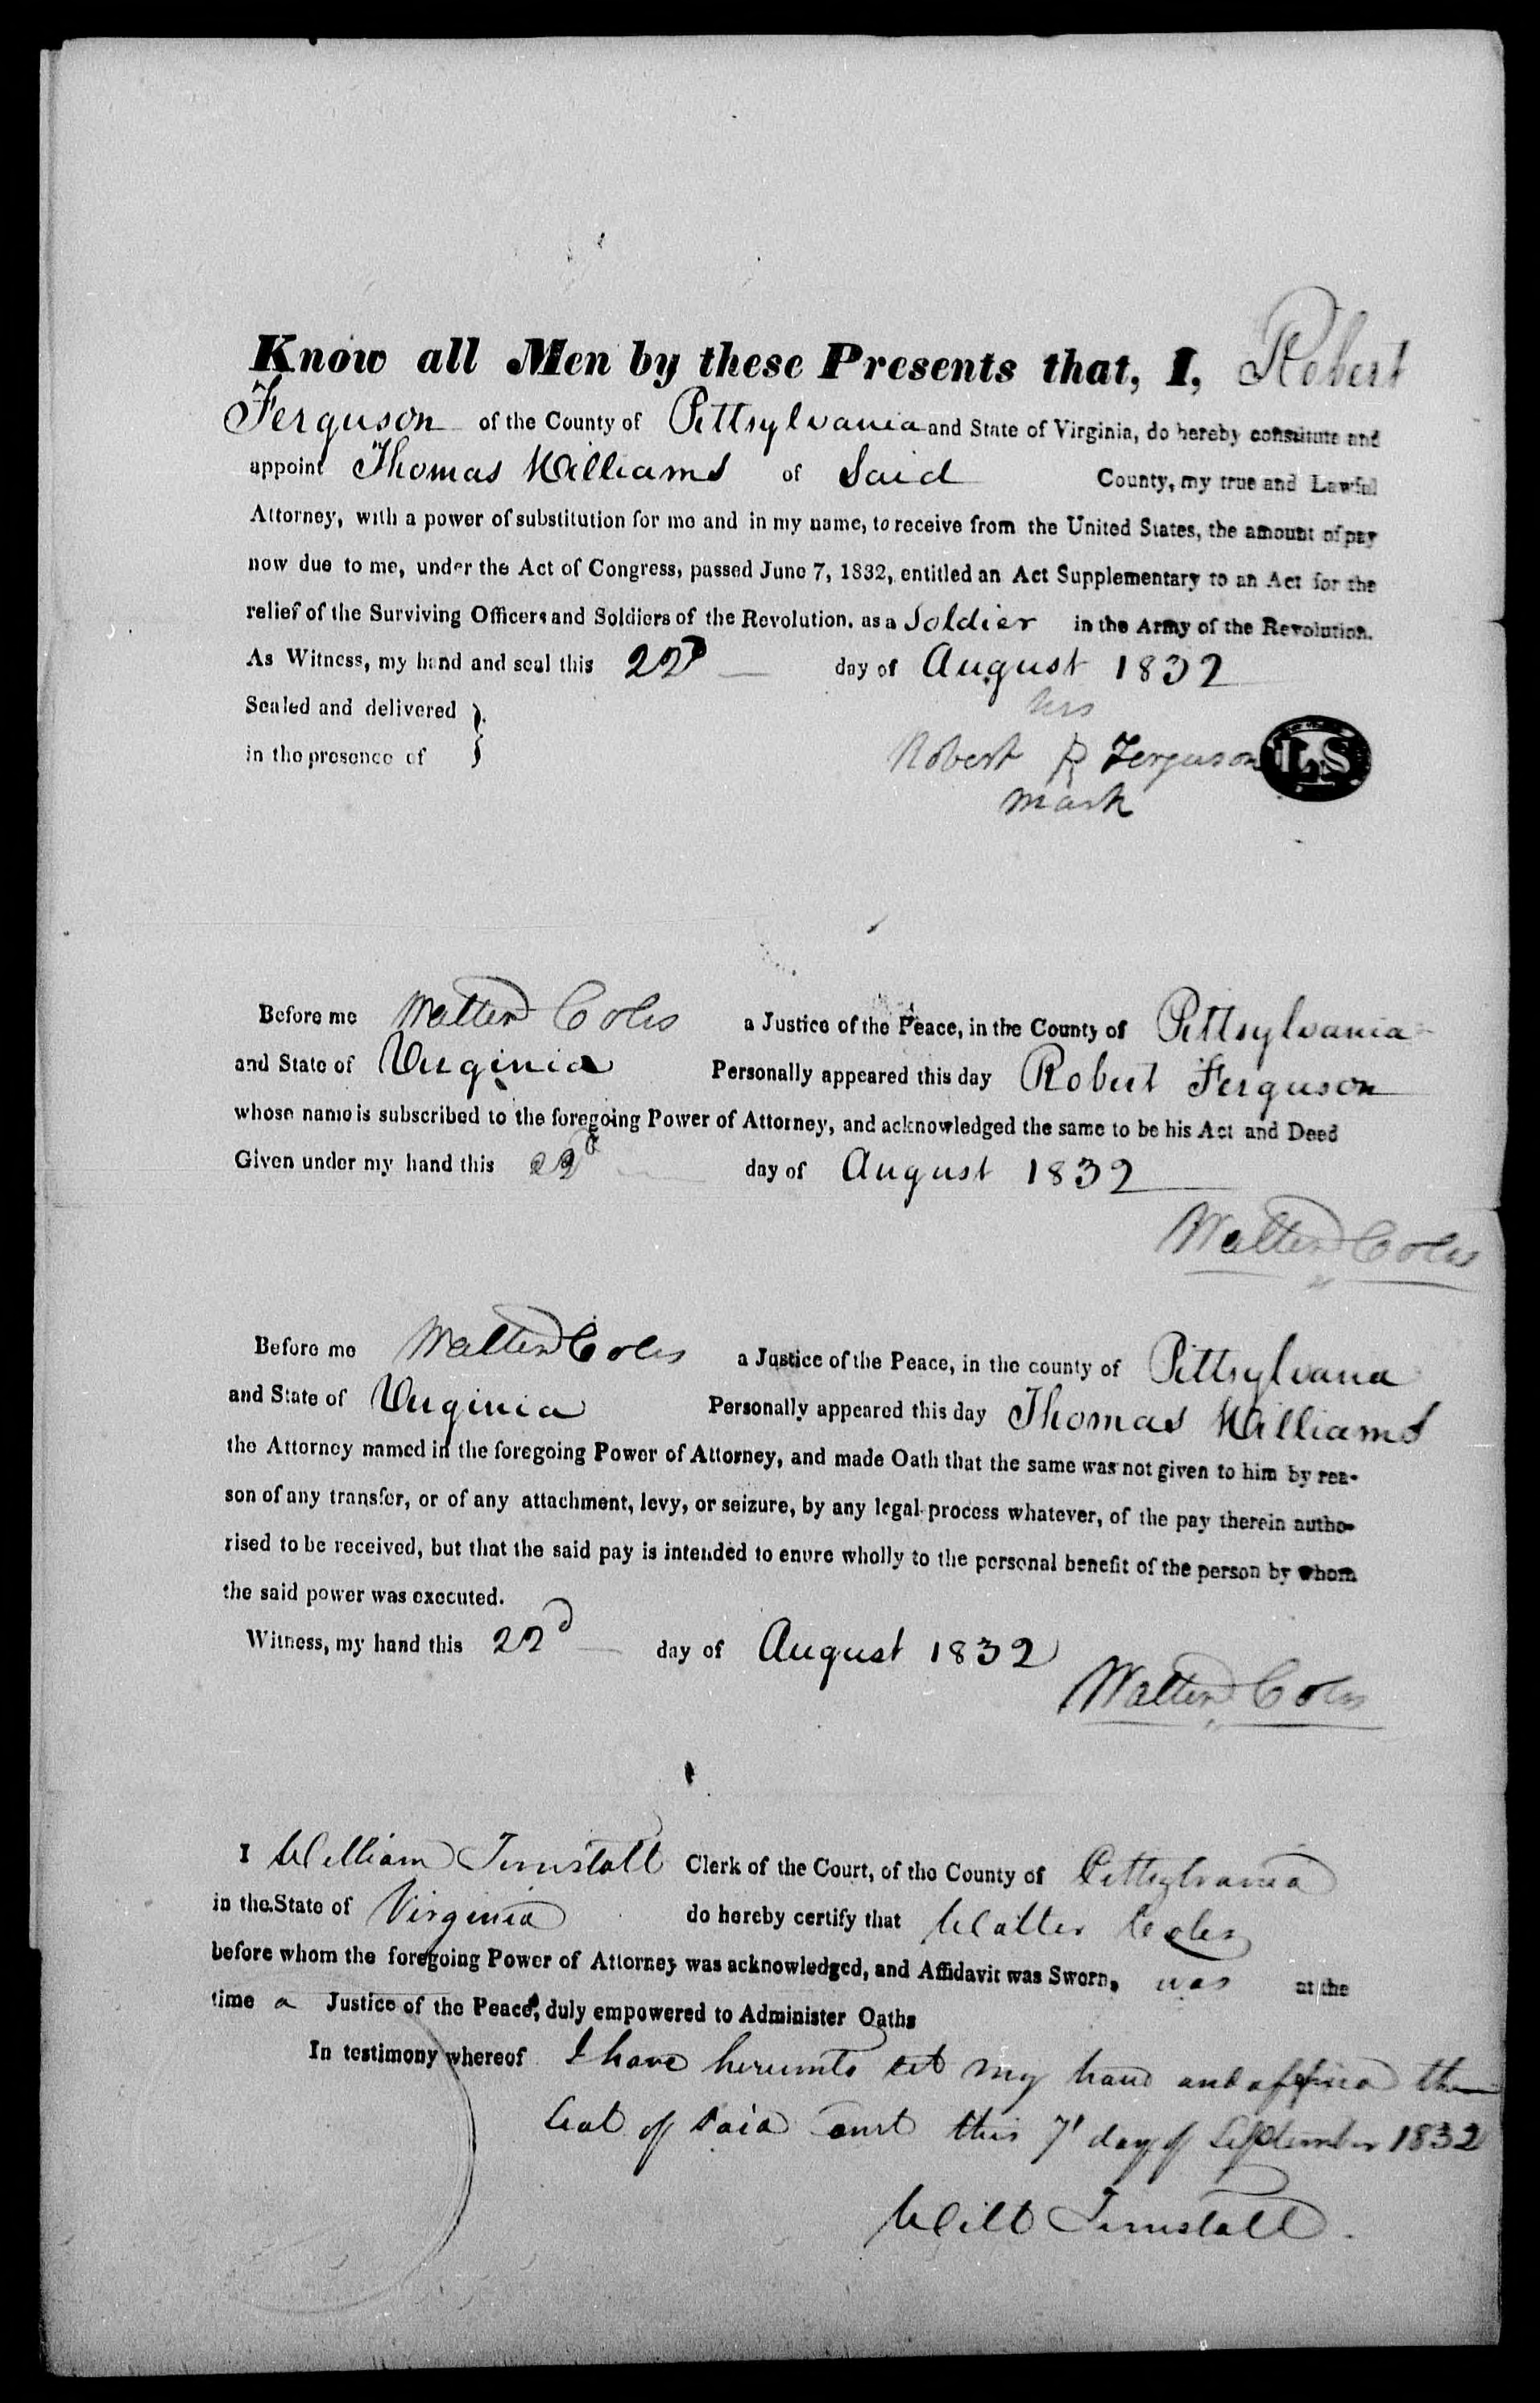[typed form with handwritten entries]

Know all Men by these Presents that I, Robert Ferguson, of the County of Pittsylvania and State of Virginia, do hereby constitute and appoint Thomas Williams of said County, my true and Lawful Attorney, with a power of substitution for me and in my name, to receive from the United States, the amount of pay now due to me, under the Act of Congress, passed June 7, 1832 entitled an Act Supplementary to an Act for the relief of the Surviving Officers and Soldiers of the Revolution as a soldier in the Army of the Revolution. As Witness, my hand and seal this 22d day of August 1832

Sealed and delivered in the presence of }
Robert R Ferguson his mark

Before me Matter Coles a Justice of the Peace, in the County of Pittsylvania and State of Virginia Personally appeared this day Robert Ferguson whose name is subscribed to the foregoing Power of Attorney, and acknowledged the same to be his Act and Deed Given under my hand this 22d day of August 1832
Matter Coles

Before me Matter Coles a Justice of the Peace, in the County of Pittsylvania and State of Virginia Personally appeared this day Thomas Williams the Attorney named in the foregoing Power of Attorney, and made Oath that the same was not given to him by reason of any transfer, or of any attachment, levy, or seizure, by any legal process whatever, of the pay therein authorised to be received, but that the said pay is intended to ensure wholly to the personal benefit of the person by whom the said power was executed. 
Witness, my hand this 22d day of August 1832 Matter Coles

I William Turnstall Clerk of the Court, of the County of Pittsylvania in the State of Virginia do hereby certify that Matter Coles before whom the foregoing Power of Attorney acknowledged, and Affidavit was Sworn, was at the time a Justice of the Peace, duly empowered to Administer Oaths
In testimony whereof I have herunto set my hand and affixed this seal of said Court this 7t day of September 1832
Will Turnstall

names: William Tunstall, Walter Coles, Robert Ferguson, Walter Coles, Thomas Williams, Will Tunstall, Thomas Williams, Thomas Williams, Robert R Ferguson, Walter Coles, Walter Coles, Walter Coles, Robert Ferguson, Walter Coles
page: 33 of 81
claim: widow's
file: W. 7262, Robert Ferguson, Va.